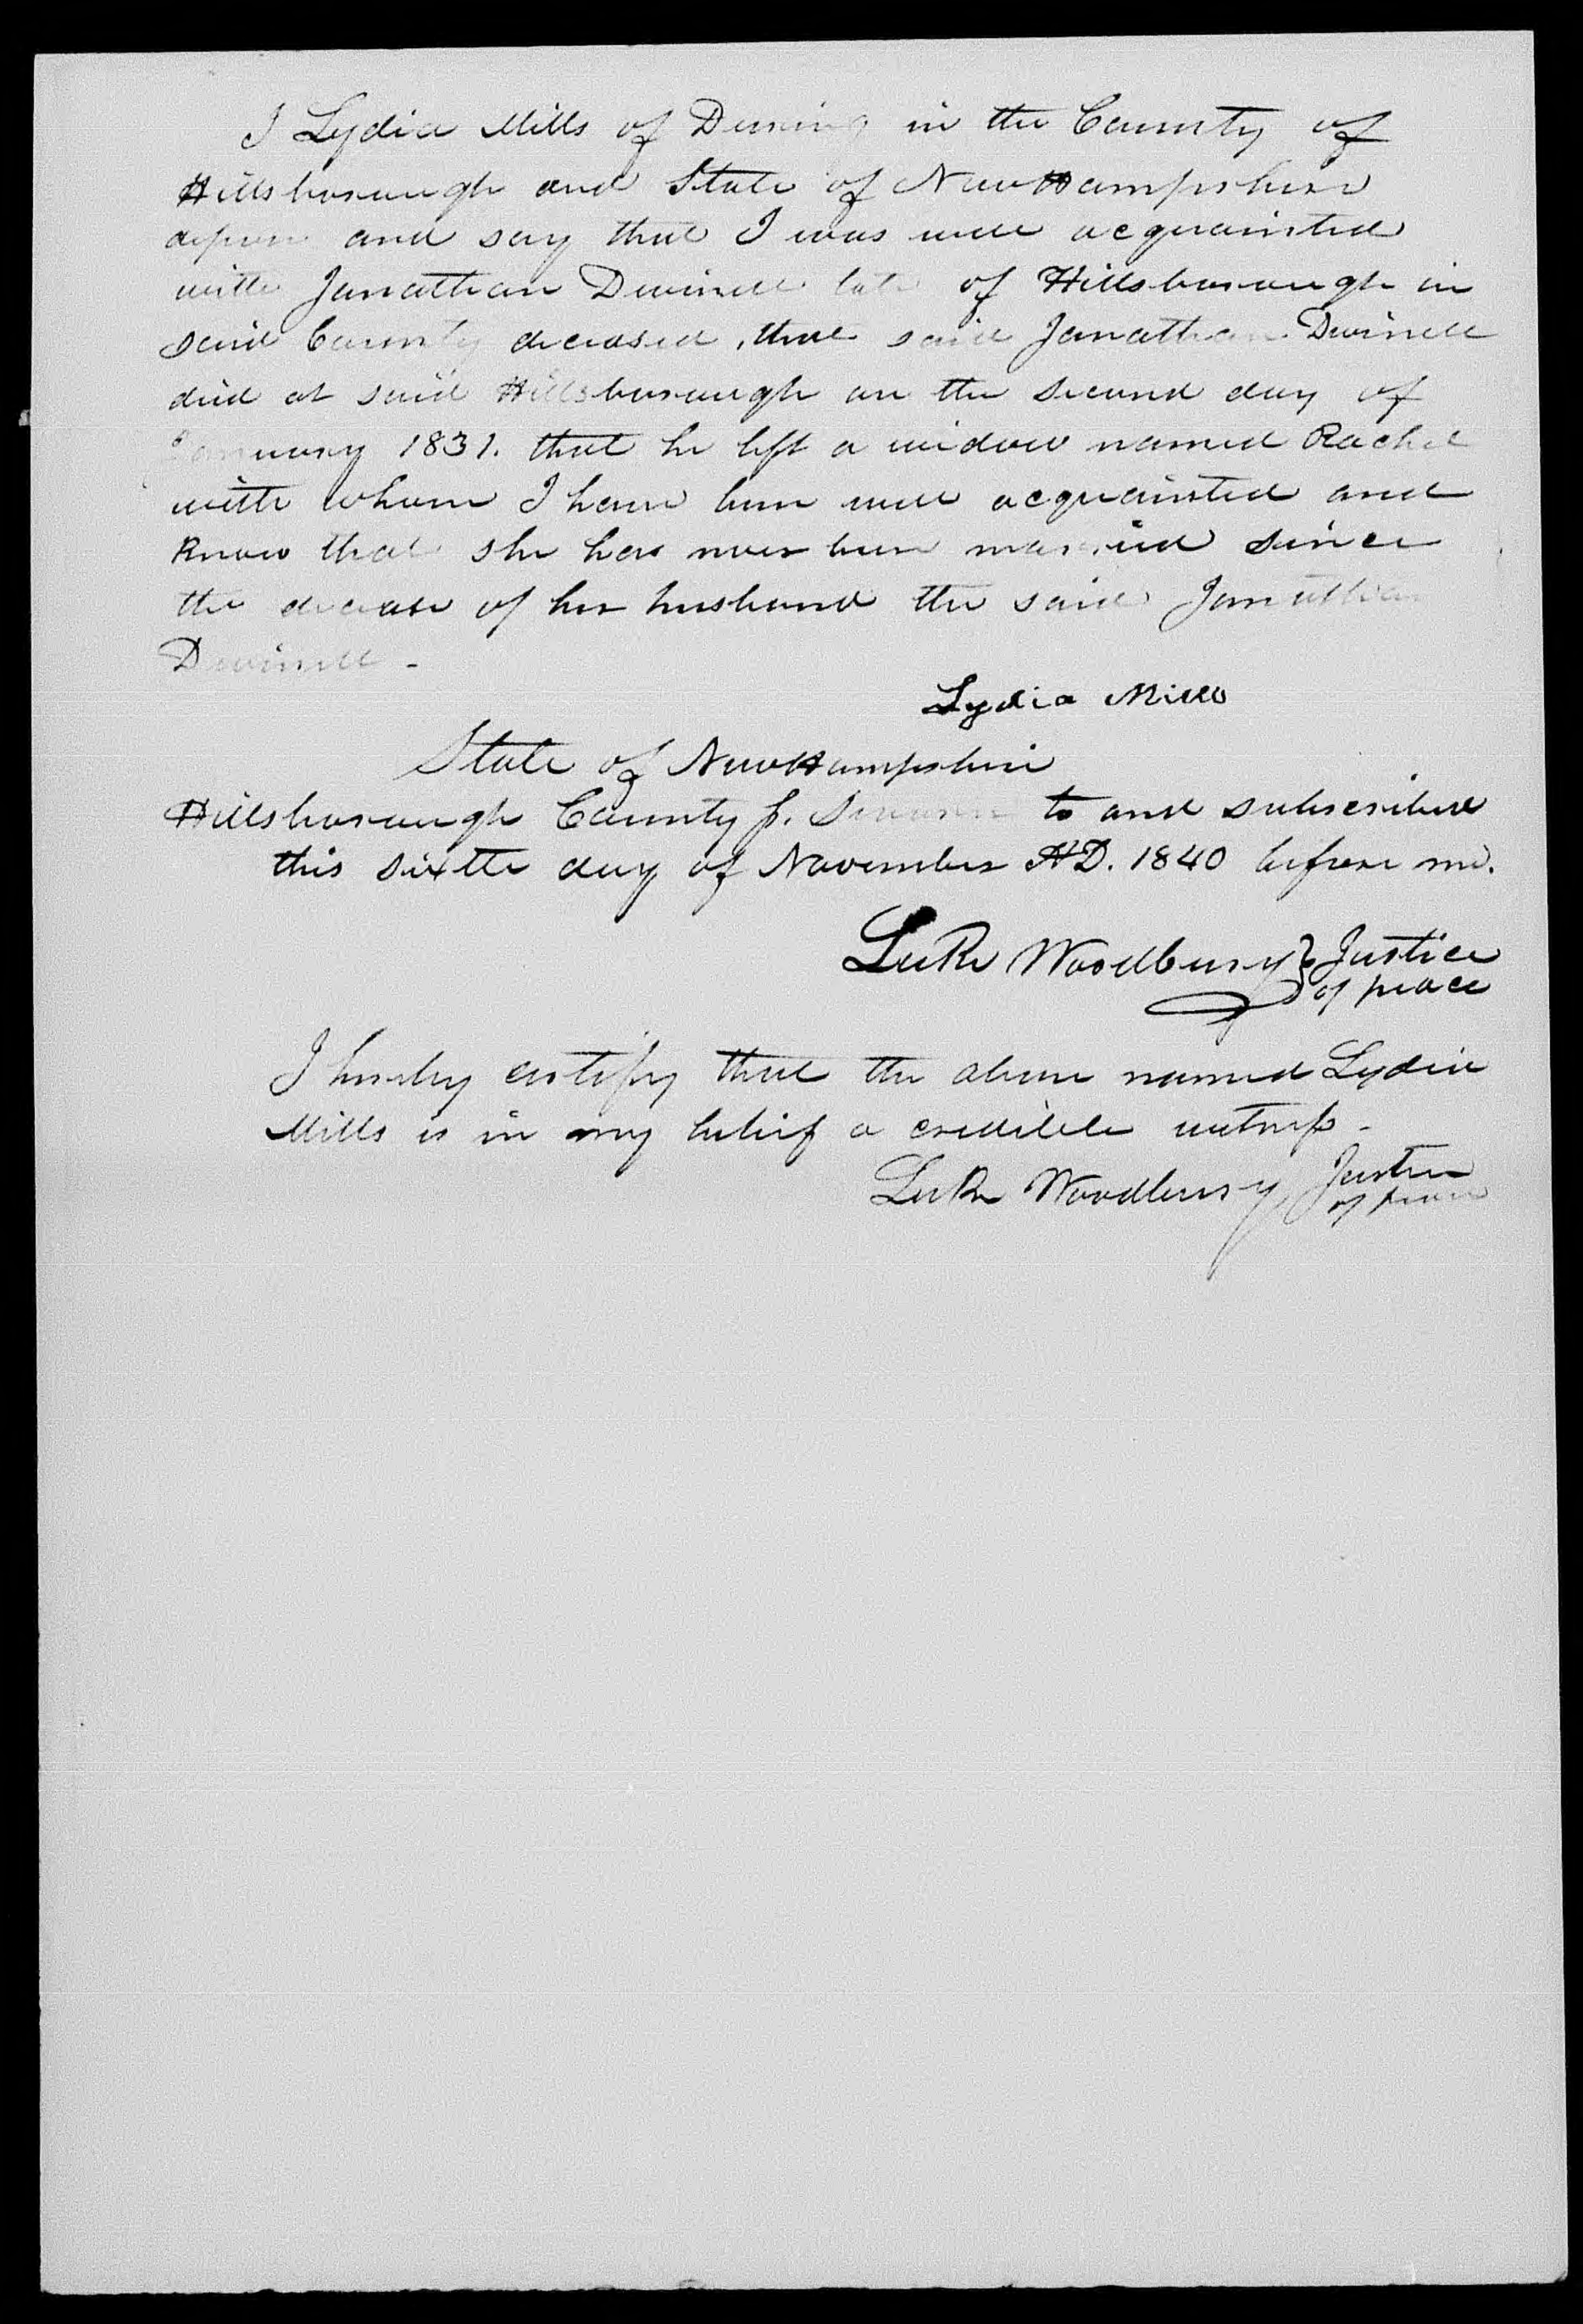I Lydia Mills of Deering in the County of Hillsborough and State of New Hampshire appear and say that I was well acquainted with Jonathan Dwinnell late of Hillsborough in said County deceased, that said Jonathan Dwinnell died of said Hillsborough on the second day of January 1831. that he left a widow named Rachel with whom I have been well acquainted and know that she has never been married since the death of her husband the said Jonathan Dwinnell.
Lydia Mills
State of New Hampshire 
Hillsborough County S. [illegible] to and subscribed this sixth day of November AD. 1840 before me.
Luke Woodbury } Justice of peace
I hereby certify that the above named Lydia Mills is in my belief a credible witness.
Luke Middlebury Justice of peace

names: Jonathan Dwinell, Jonathan Dwinell, Lydia Mills, Lydia Mills, Rachel, Jonathan Dwinell, Lydia Mills, Luke Woodbury, Luke Woodbury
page: 13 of 22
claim: widow's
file: W. 22984, John Dwinnell, Mass.